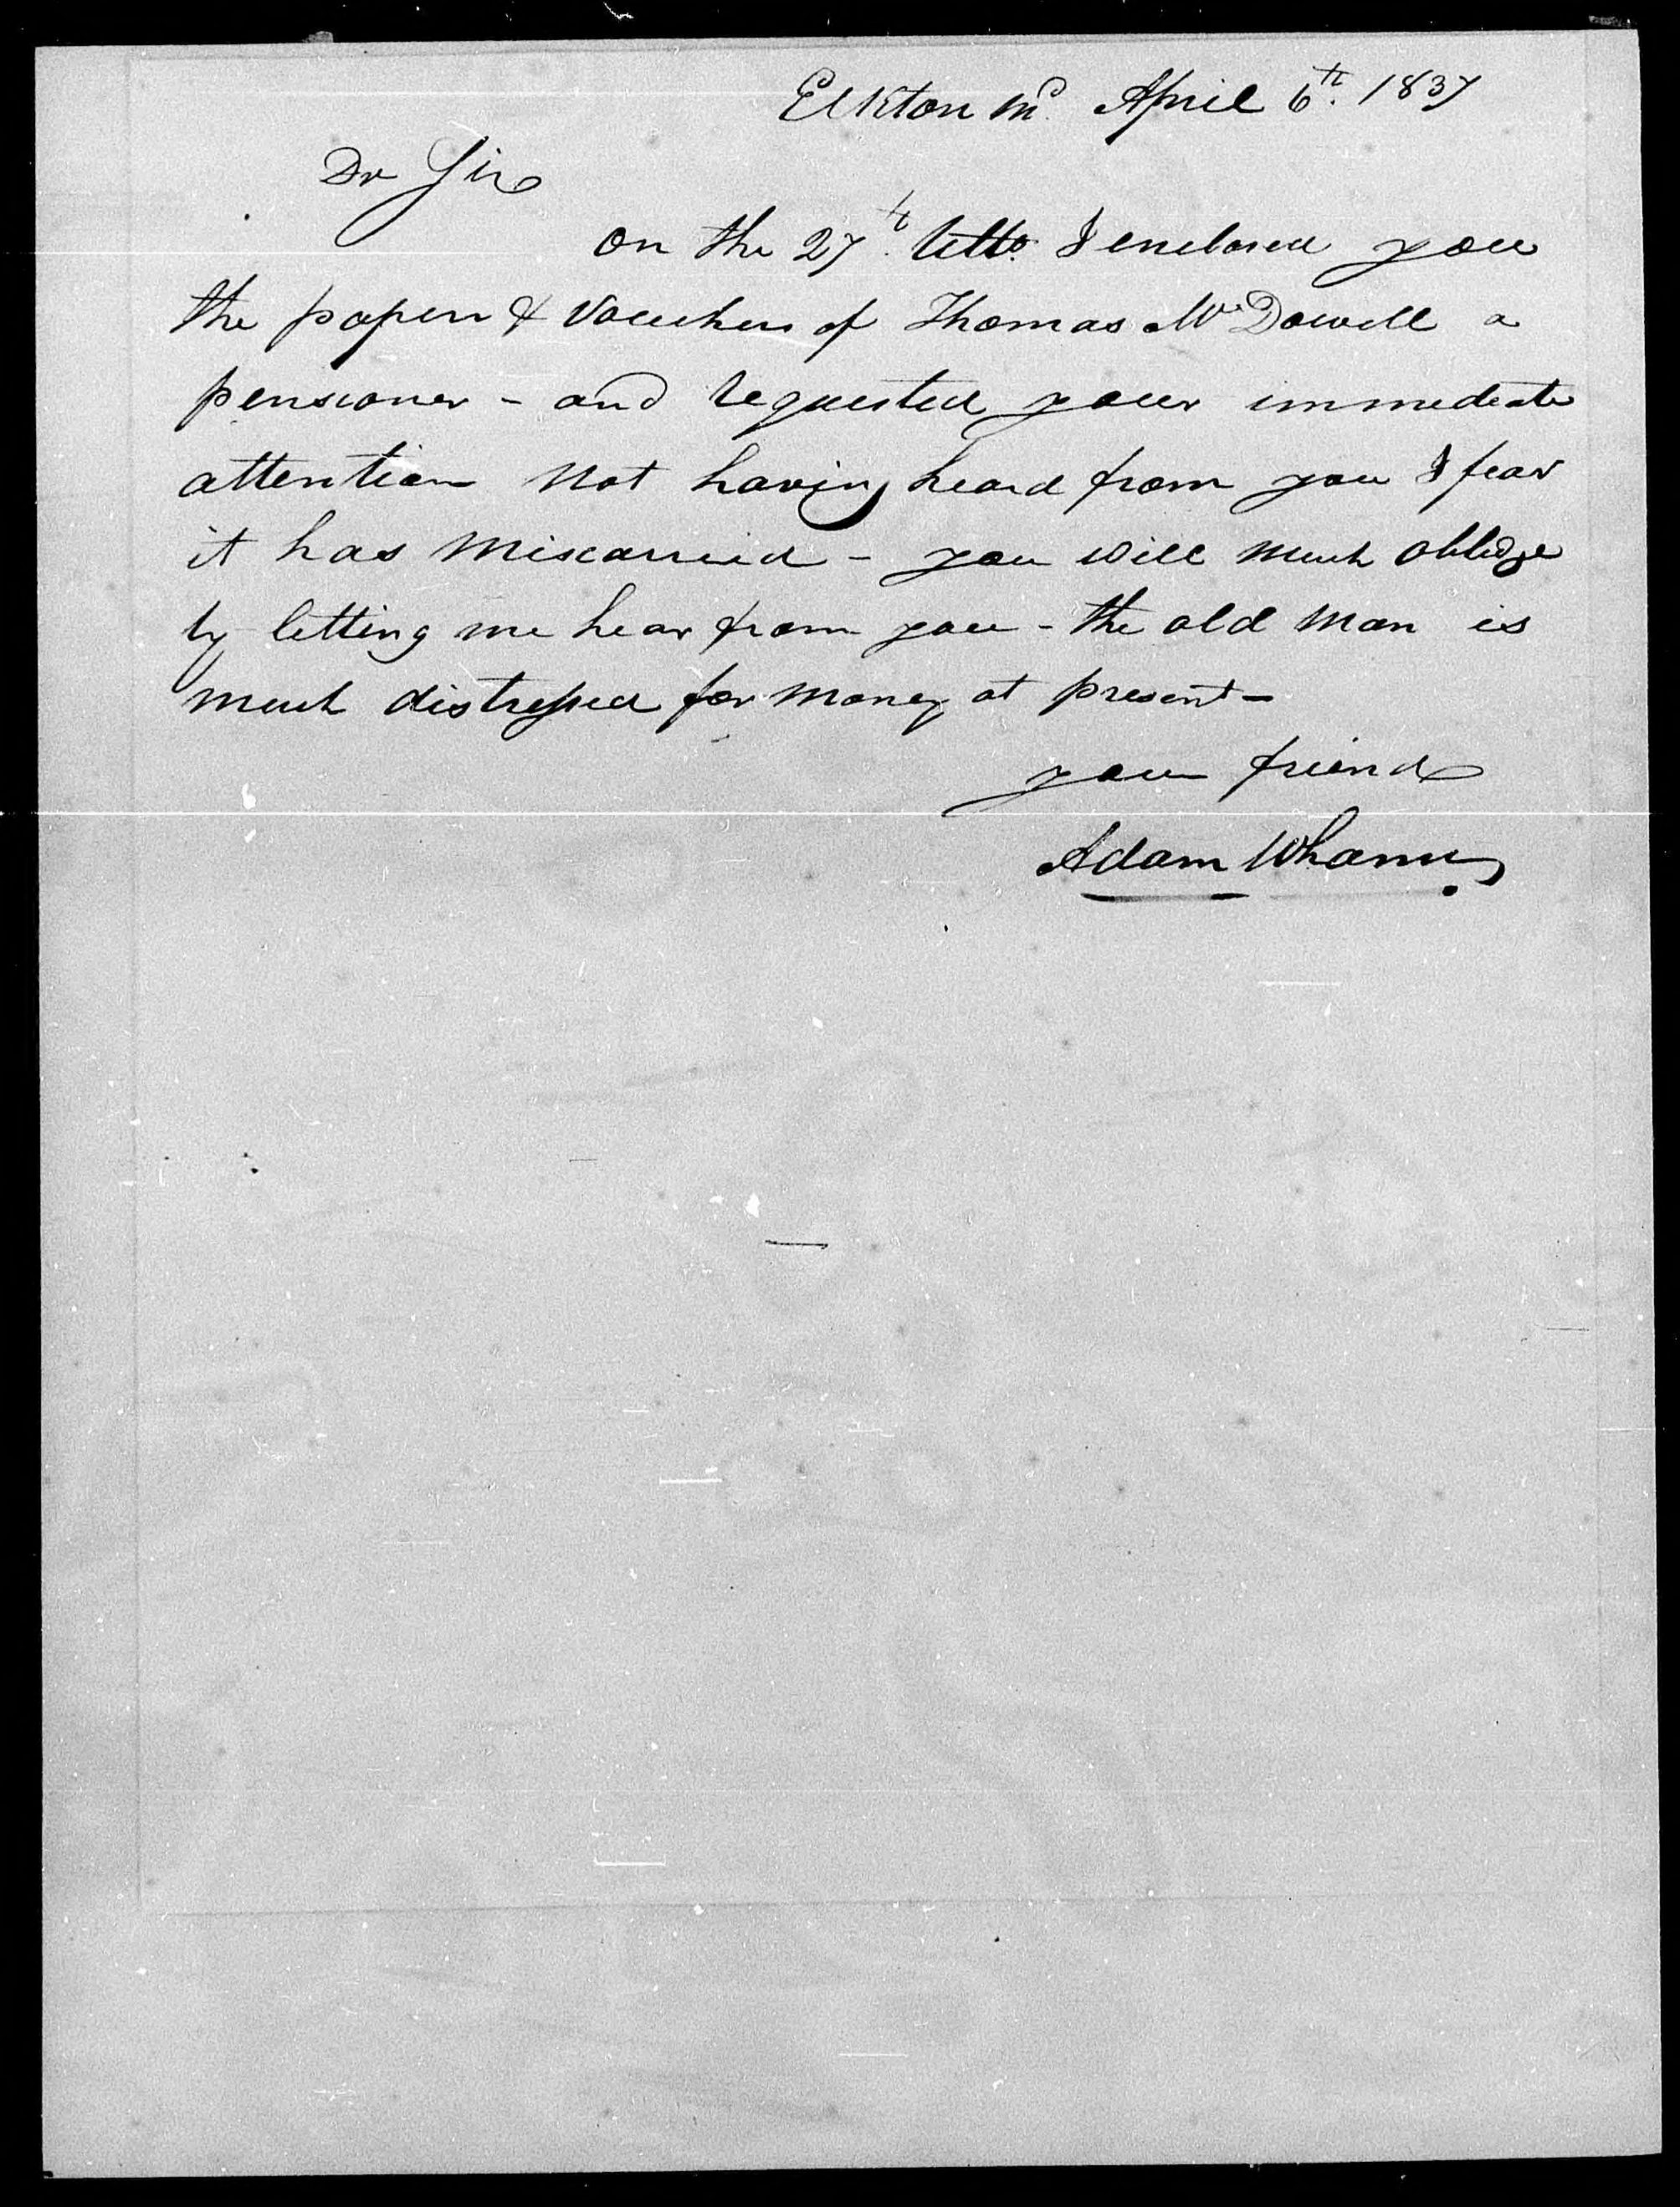Elkton Ind April 6th 1837

Dr Sir

             On the 27th (?) I enclosed you the papers & vouchers of Thomas McDowell a pensioner - and requested your immediate attention  Not having heard from you I fear it has miscarried - you will much oblige me by letting me hear from you - the old man is most distressed for money at present -
   Your friend
Adam Whann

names: Adam Whann; Thomas Mc Dowell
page: 44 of 63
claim: widow's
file: W 2957, for Thomas Mc Dowell, Maryland